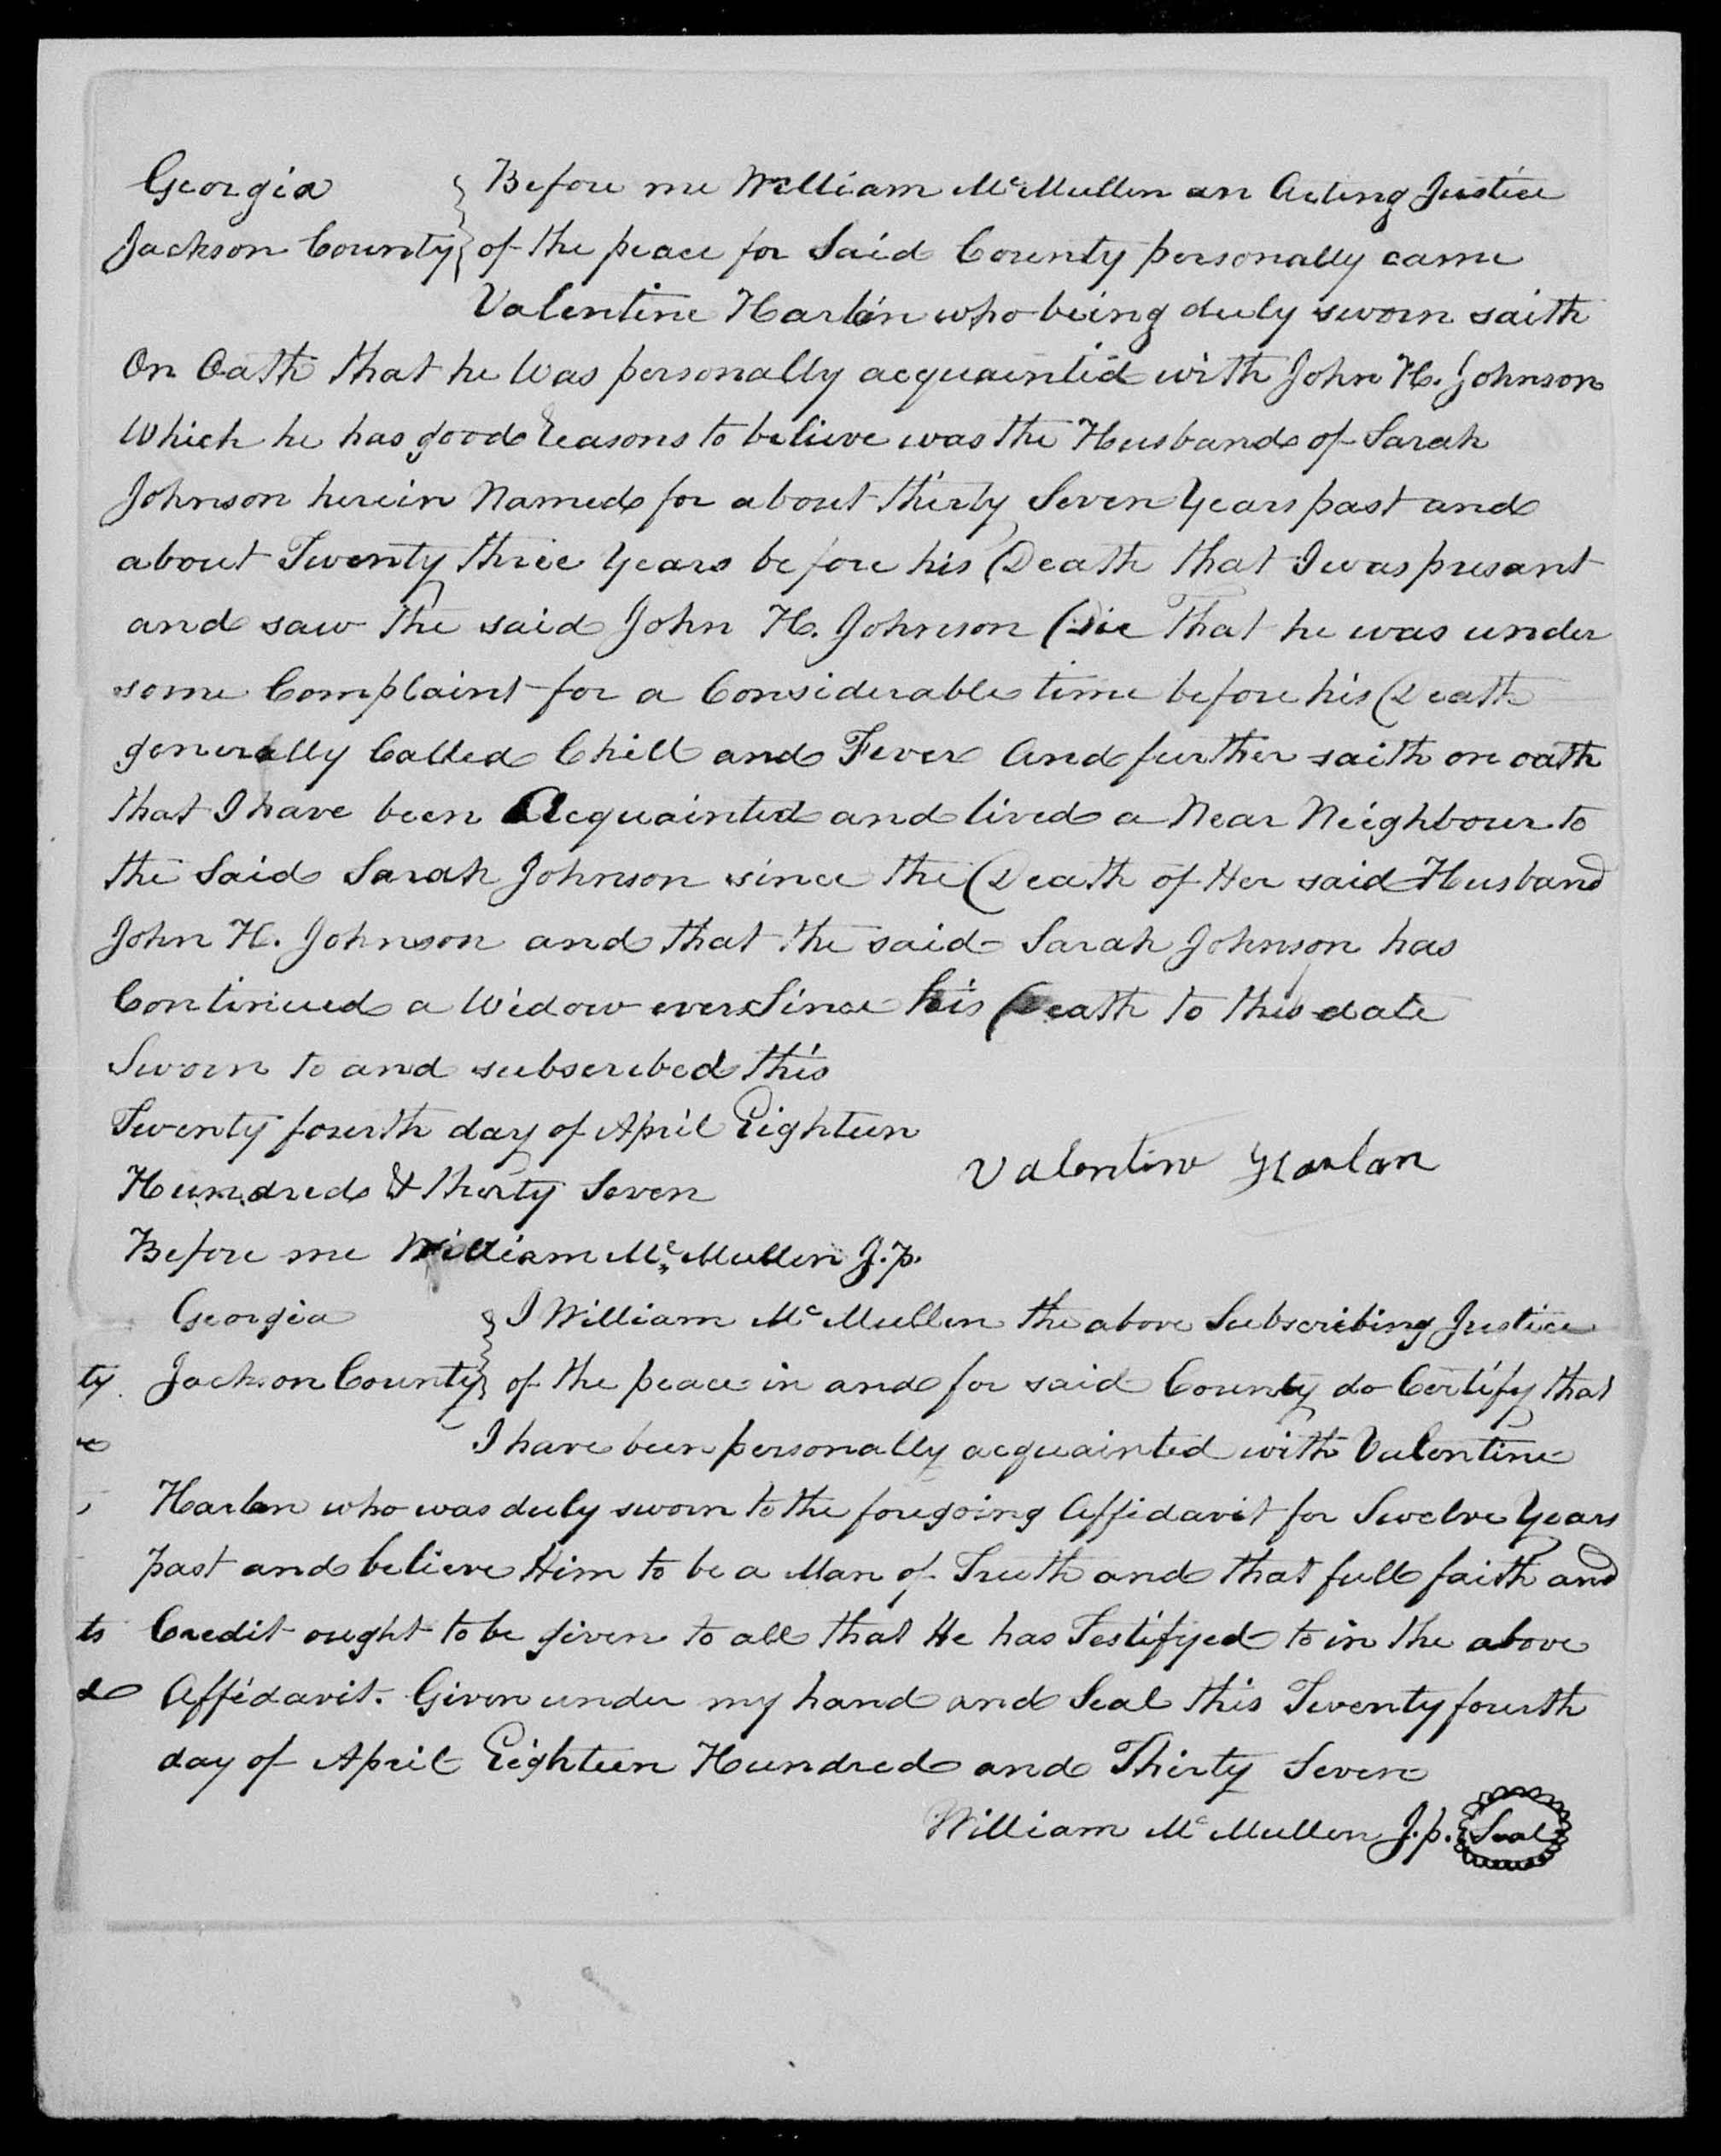Georgia
Jackson County 
Before me William McMullen an acting Justice
 of the peace for said County personally came
Valentine Hardin who being duly sworn saith
on oath that he was personally acquainted with John H. Johnson
which he has good reason to believe was the husband of Sarah
Johnson herein named for about thirty Seven years past and
about Twenty three years before his death that I was present
and saw the said John H. Johnson in that he was under
some complaint for a considerable time before his death
generally called Chill and Fever And further saith on oath
that I have been acquainted and lived a near neighbour to
the said Sarah Johnson since the death of her said Husband
John H. Johnson and that the said Sarah Johnson has
continued a widow ever since his death to this date
Sworn to and subscribed this
Twenty fourth day of April Eighteen
Hundred & thirty seven
Valentine Harlan

Before me William McMullan J.P.
Georgia
Jackson County
I William McMullen the above subscribing Justice
 of the peace in and for said County do certify that
I have been personally acquainted with Valentine
Harlan who was duly sworn to the foregoing affidavit for Twelve years
past and believe him to be a man of truth and that full faith and
Credit ought to be given to all that he has testifyed to in the above
Affidavit. Given under my hand and seal this Twenty fourth
day of April Eighteen Hundred and Thirty Seven
William McMullan J.P.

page: 11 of 26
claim: widow's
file: W. 4464, for John H Johnson, Georgia